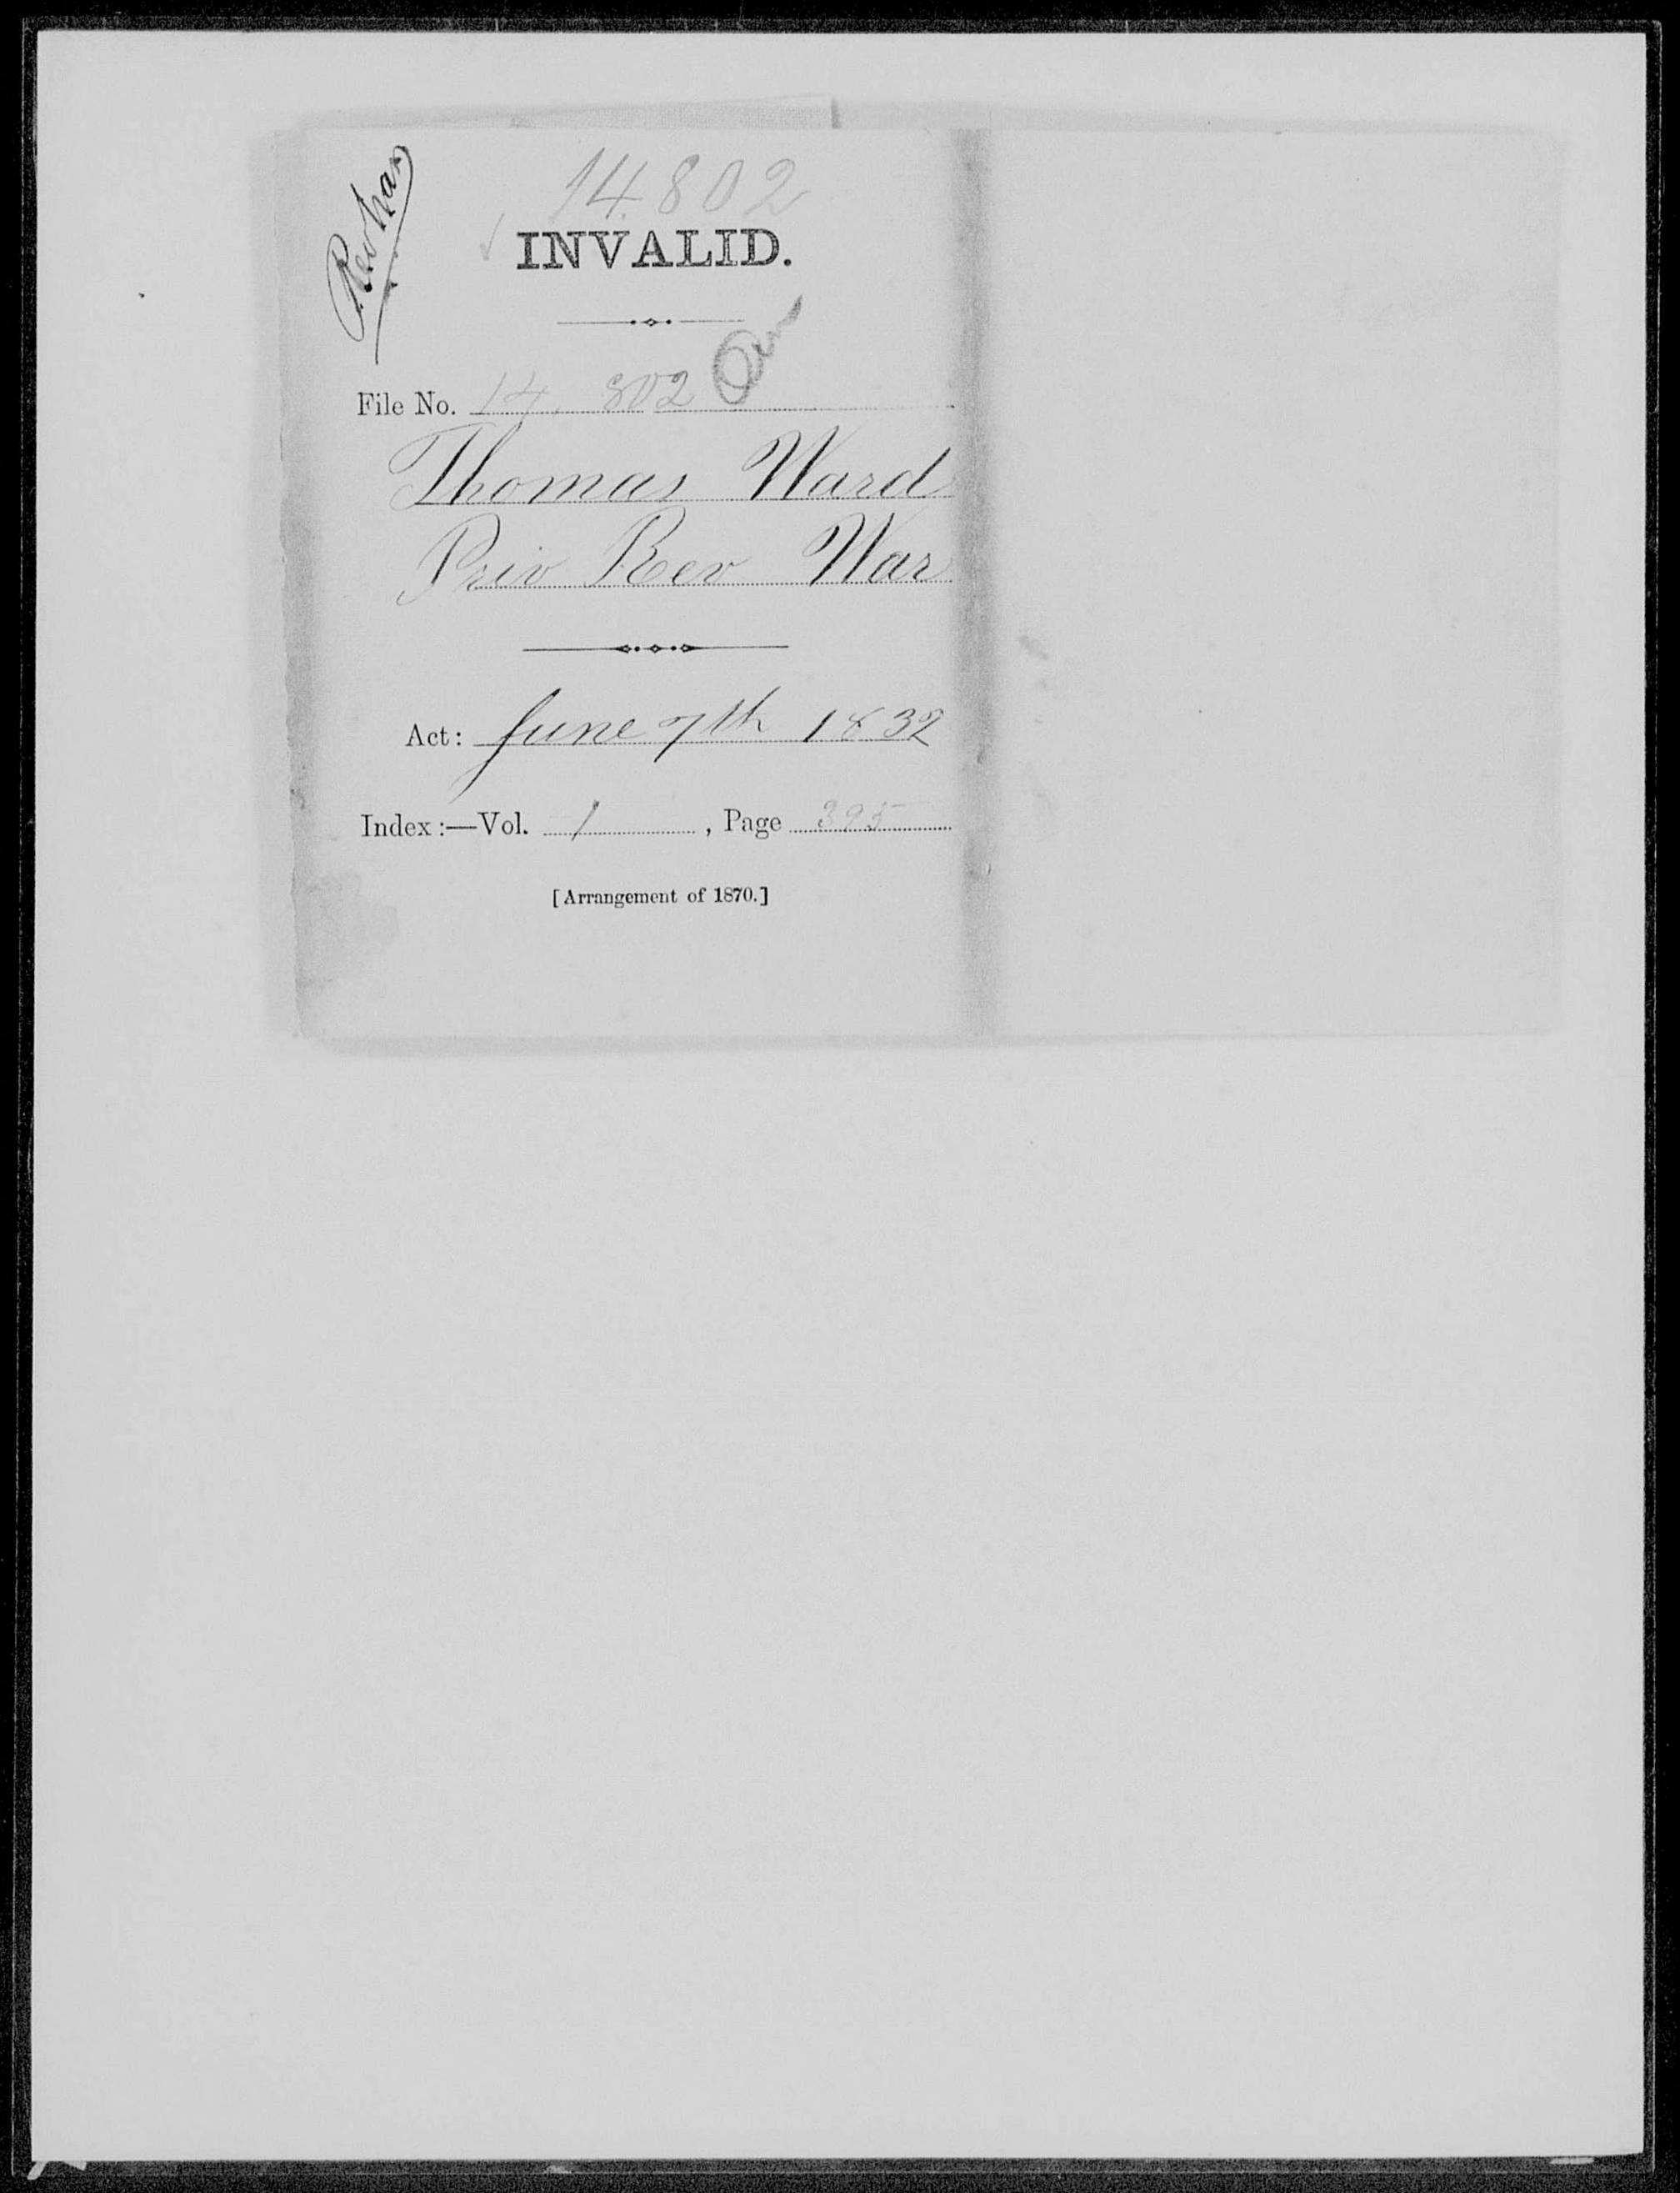Rev War
14. 802
INVALID.

File No.  14. 802   Om
Thomas Ward
Pri  Rev  War

Act:  June 7th. 1831
Index:-- Vol.  1,  Page 395


[Arrangement of 1870.]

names: Thomas Ward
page: 25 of 31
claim: survivor's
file: S. 14802, Thomas Ward, S.C.